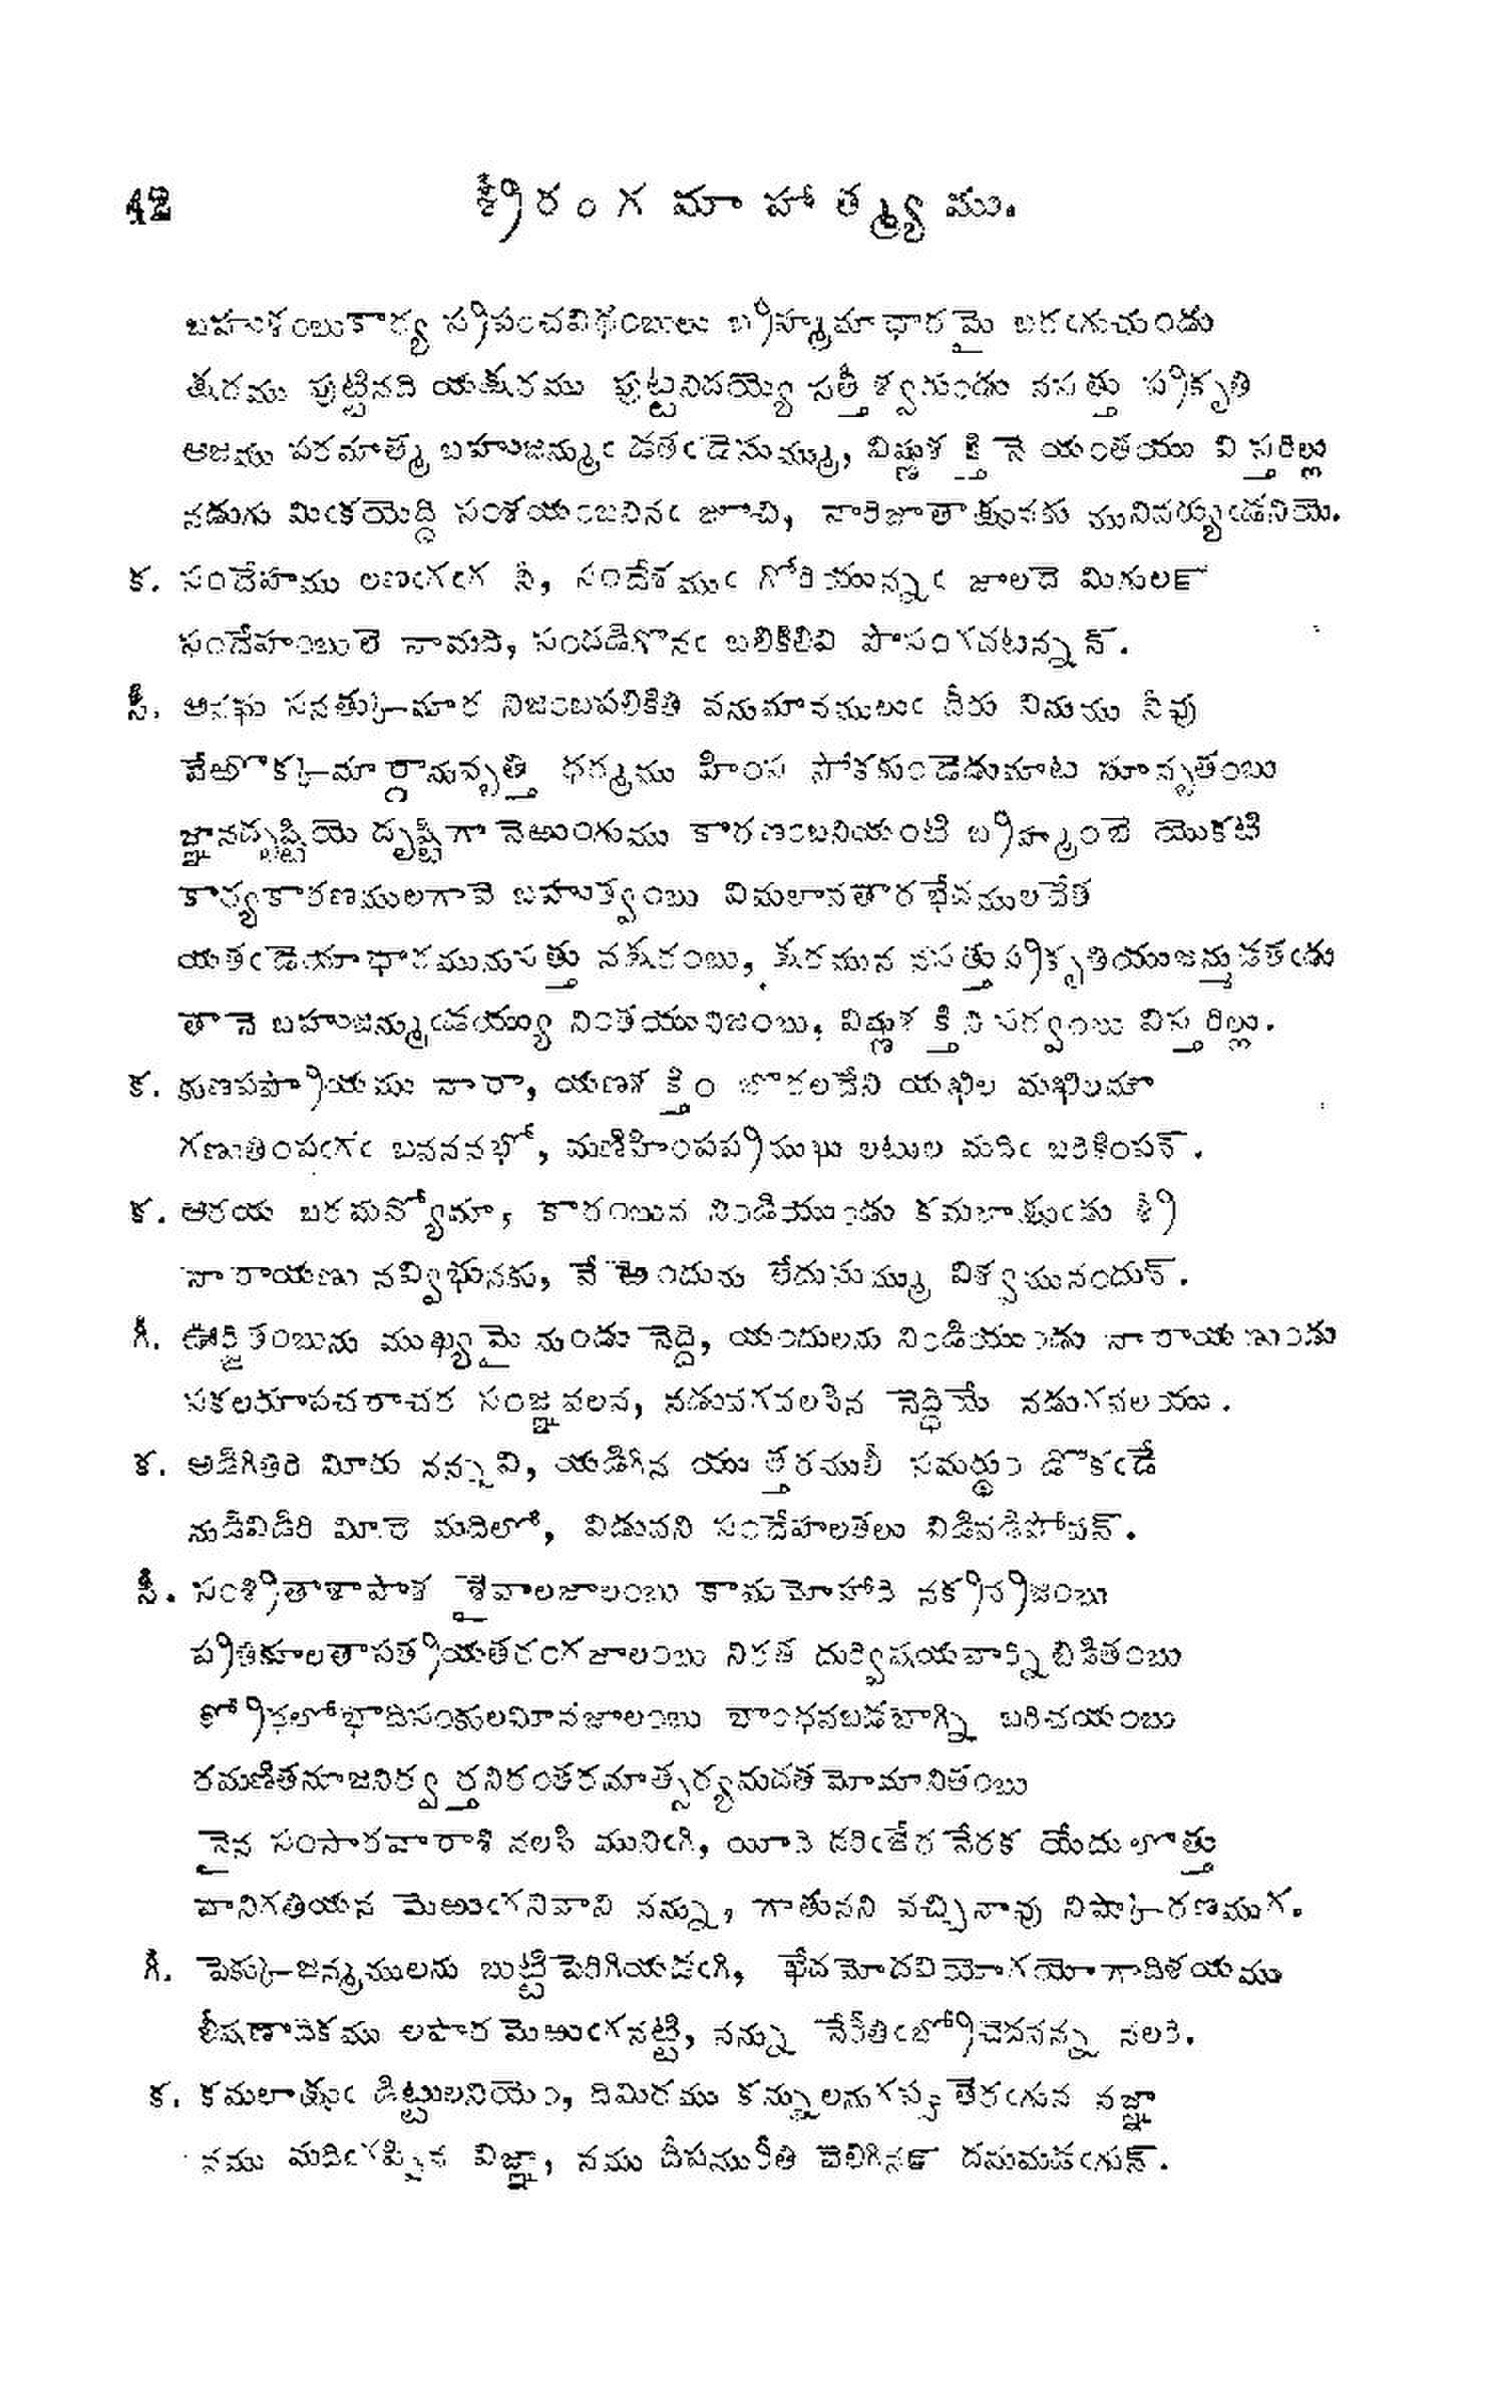బహుళంబు కార్య ప్రపంచవిధంబులు బహ్మ మాధారమై బరఁగుచుండు
 క్షరము పుట్టినది యక్షరము పుట్టనిదయ్యె సత్తీశ్వరుండు నసత్తు ప్రకృతి
 అజము పరమాత్మ బహుజన్ముఁ డతఁడె సుమ్ము, విష్ణుశక్తినె యంతయు విస్తరిల్లు
 నడుగు మిఁకయెద్ది సంశయంబనినఁ జూచి, వారిజాతాక్షునకు మునివర్యుఁ డనియె.
క. సందేహము లణఁగఁగ నీ, సందేశముఁ గోరియున్నఁ జాలదె మిగులన్
 సందేహంబులె నామది, సందడిగొనఁ బలికిలివి పొసంగదటన్నన్.
సీ. అనఘ సనత్కుమార నిజంబ పలికితి వనుమానములుఁ దీరు వినుము నీవు
 వేఱొక్కమార్గానువృత్తి ధర్మము హింస సోకకుండెడుమాట సూనృతంబు
 జ్ఞానదృష్టియె దృష్టిగా నెఱుంగుము కారణంబనియంటి బ్రహ్మంబె యొకటి
 కార్యకారణములగావె బహుత్వంబు విమలావతారభేదములచేత
 యతఁడె యాధారమును సత్తు నక్షరంబు, క్షరమున నసత్తు ప్రకృతియు జన్ముఁ డతఁడు
 తానె బహుజన్ముఁడయ్యు నింతయు నిజంబు, విష్ణుశక్తిని సర్వంలు విస్తరిల్లు.
క. కుణపప్రాయము నారా, యణశక్తిం బొదలదేని యఖిల మఖిలమౌ
 గణుతింపఁగఁ బవననభో, మణిహింపప్రముఖు లటుల మరిఁ బరికింపన్.
క. ఆరయ బరమవ్యోమా, కారంబున నిండియుండు కమలాక్షుఁడు శ్రీ
 నారాయణు నవ్విభునకు, వే ఱెందును లేదుసుమ్ము విశ్వమునందున్.
గీ. ఊర్జితంబును ముఖ్యమై నుండు నెద్ది, యందులను నిండియుండు నారాయణుండు
 సకలరూపచరాచరసంజ్ఞవలన, నడువగవలసిన నెద్ధియే నడుగవలయు.
క. అడిగితిరి మీరు నన్నని, యడిగిన యుత్తరములీ సమర్థుం డొకఁడే
 నుడివిడిరి మీరె మదిలో, విడువని సందేహలతలు విడివడిపోవన్.
సీ. సంశ్రితాశాపాశ శైవాలజాలంబు కామమోహాది నక్రవ్రజంబు
 ప్రతికూలతాపత్రయతరంగజాలంబు నిరత దుర్విషయవార్నిబిడితంబు
 క్రోధలోభాదిసంకులమీనజాలంబు బాంధనబడబాగ్ని బరిచయంబు
 రమణితనూజనిర్వర్తనిరంతరమాత్సర్యమదతమోమానితంబు
 నైన సంసారవారాశి నలసి మునిఁగి, యీది దరిఁజేర నేరక యేదు లొత్తు
 వానిగతియన మెఱుఁగనివాని నన్ను, గాతునని వచ్చినావు నిష్కారణముగ.
గీ. పెక్కుజన్మములను బుట్టిపెరిగియడఁగి, ఖేదమోదవియోగయోగాదిశయము
 భీషణాదికము లపార మెఱుఁగనట్టి, నన్ను నేరీతిఁ బ్రోచెదనన్న నలరి.
క. కమలాక్షుఁ డిట్టులనియెం, దిమిరము కన్నులను గప్పు తెరఁగున నజ్ఞా
 నము మదిఁ గప్పిన విజ్ఞా, నము దీపమురీతి వెలిగినన్ దమమడఁగున్.